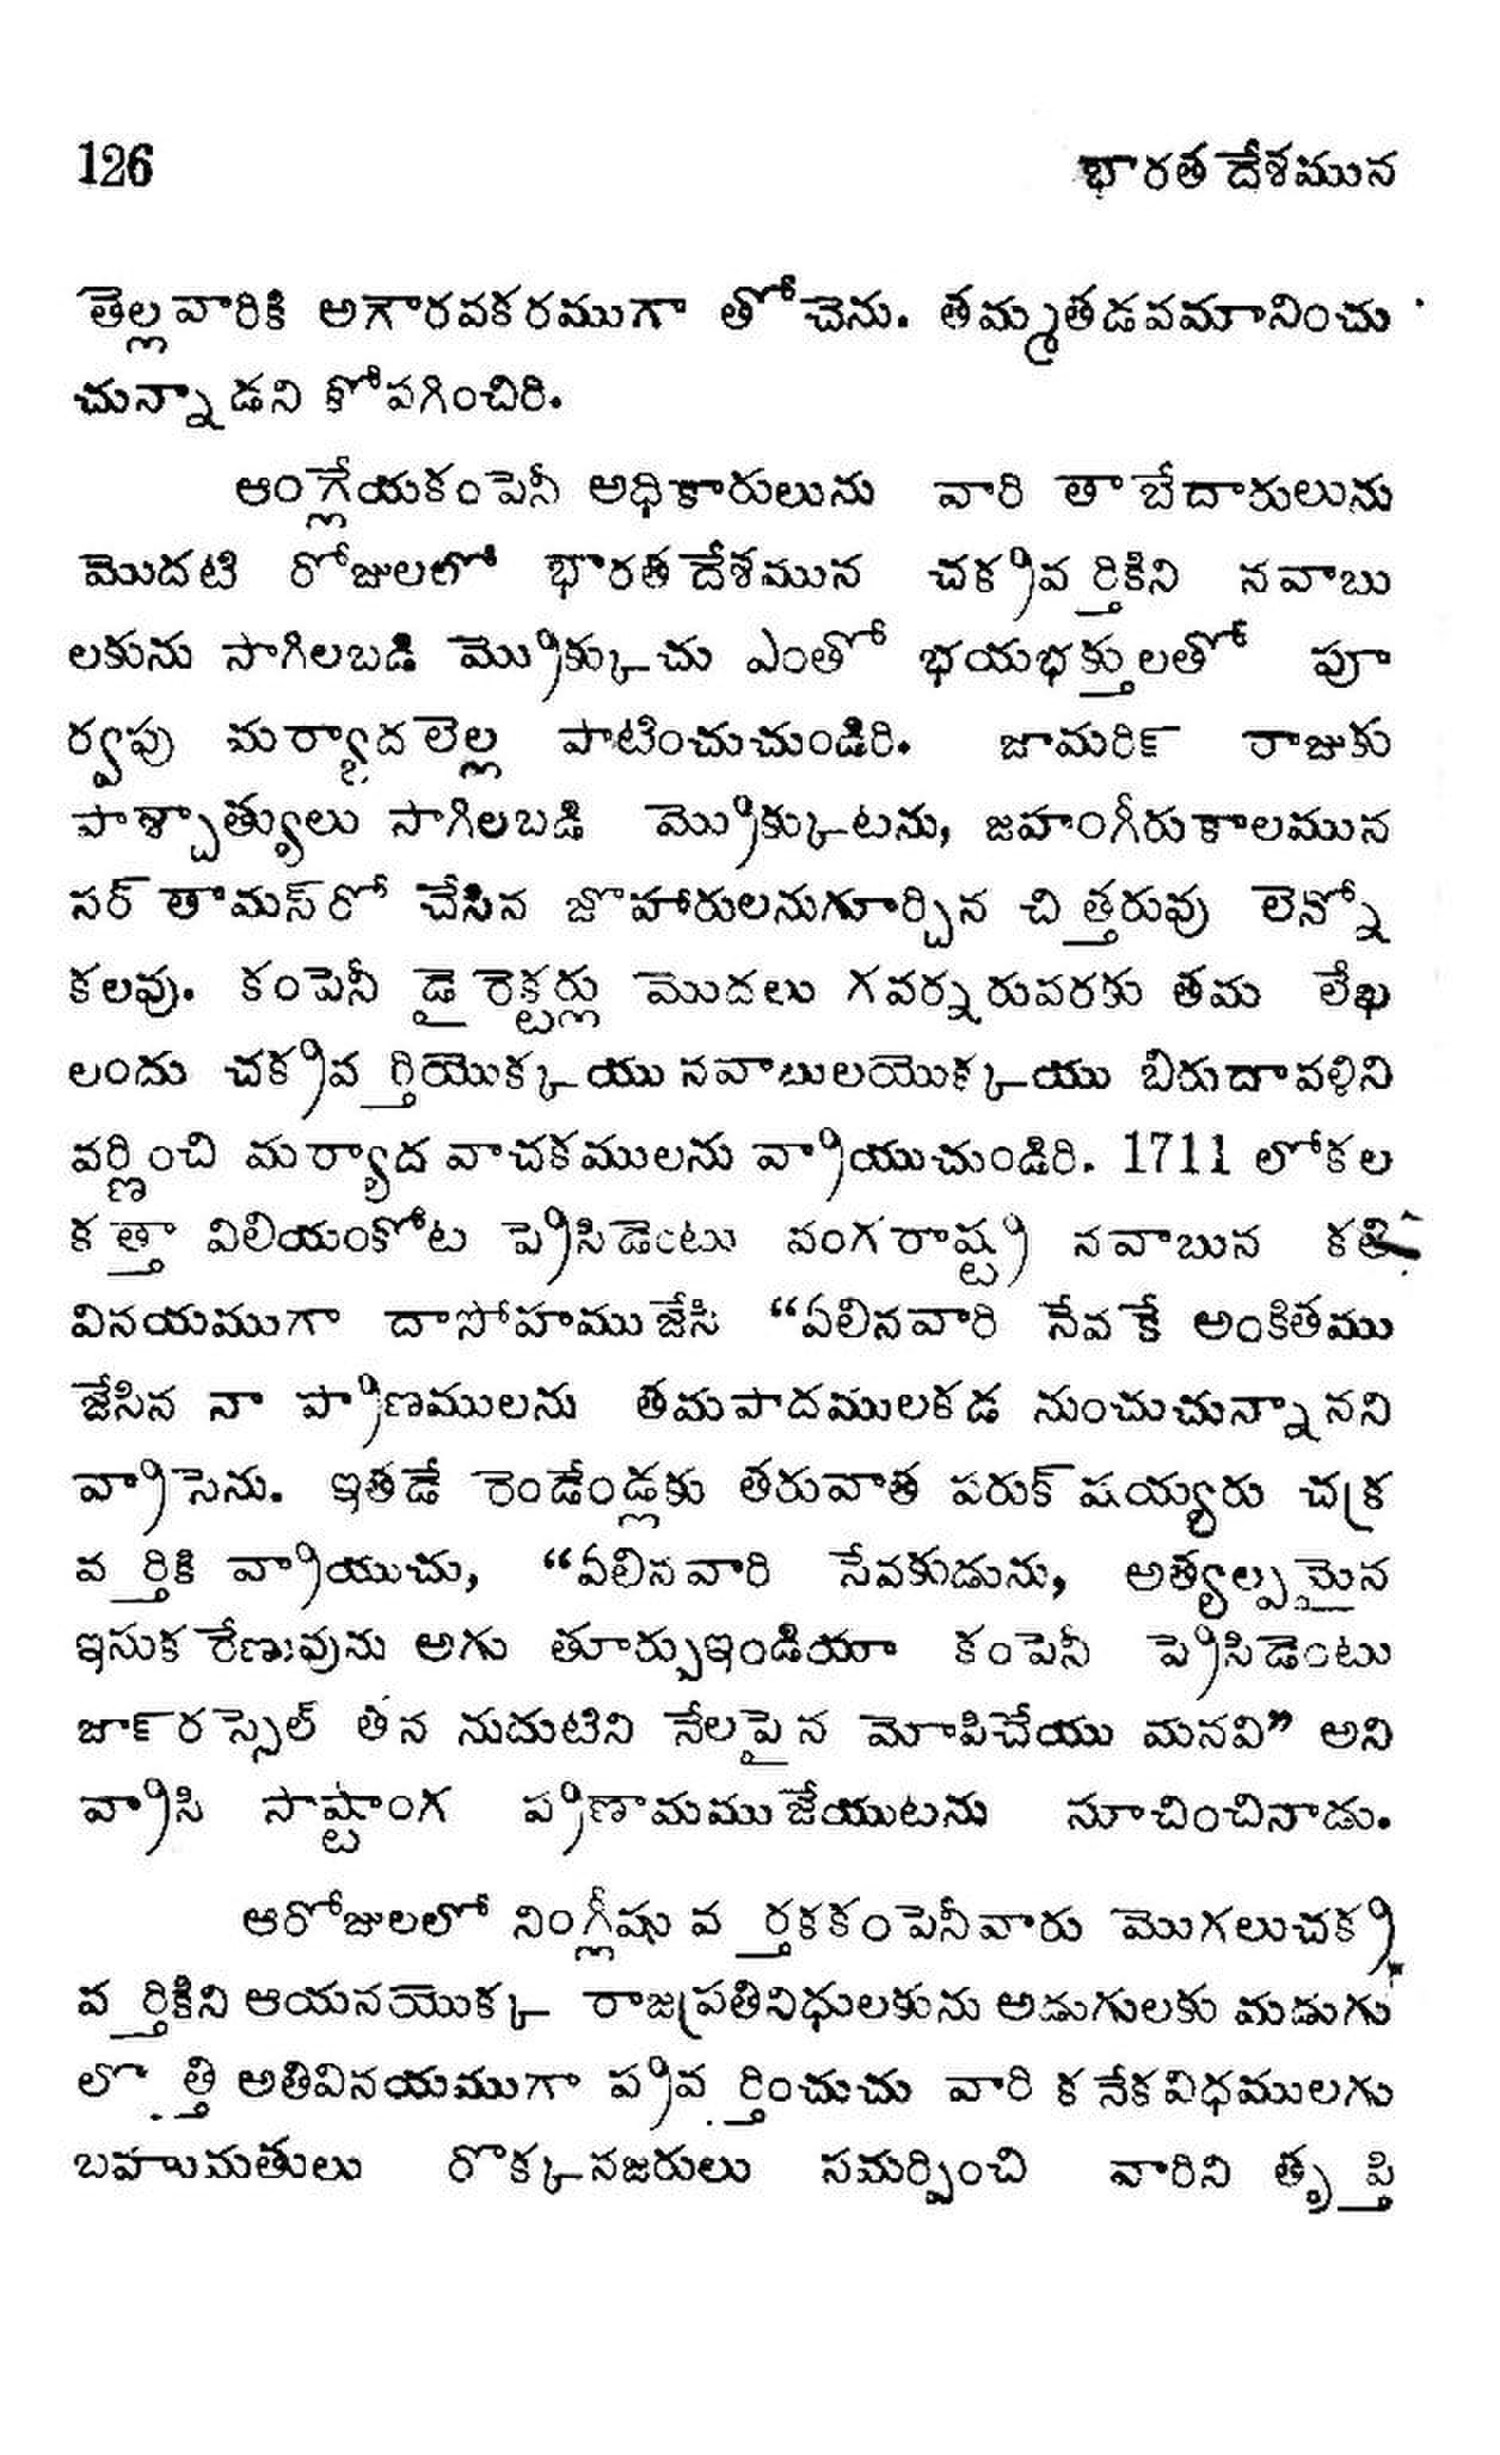తెల్లవారికి అగౌరవకరముగా తోచెను. తమ్మతడవమానించు చున్నాడని కోపగించిరి.

ఆంగ్లేయకంపెనీ అధికారులును వారి తాబేదారులును మొదటి రోజులలో భారతదేశమున చక్రవర్తికిని నవాబులకును సాగిలబడి మ్రొక్కుచు ఎంతో భయభక్తులతో పూర్వపు మర్యాదలెల్ల పాటించుచుండిరి. జామరి౯ రాజుకు పాశ్చాత్యులు సాగిలబడి మ్రొక్కుటను, జహంగీరుకాలమున సర్ తామస్‌రో చేసిన జొహారులనుగూర్చిన చిత్తరువు లెన్నో కలవు. కంపెనీ డైరెక్టర్లు మొదలు గవర్నరువరకు తమ లేఖలందు చక్రవర్తియొక్కయు నవాబులయొక్కయు బిరుదావళిని వర్ణించి మర్యాద వాచకములను వ్రాయుచుండిరి. 1711 లోకలకత్తా విలియంకోట ప్రెసిడెంటు వంగరాష్ట్ర నవాబున కతివినయముగా దాసోహముజేసి “ఏలినవారి సేవకే అంకితము జేసిన నా ప్రాణములను తమపాదములకడ నుంచుచున్నానని వ్రాసెను. ఇతడే రెండేండ్లకు తరువాత పరుక్ షయ్యరు చక్రవర్తికి వ్రాయుచు, “ఏలినవారి సేవకుడును, అత్యల్పమైన ఇసుక రేణువును అగు తూర్చుఇండియా కంపెనీ ప్రెసిడెంటు జా౯రస్సెల్ తన నుదుటిని నేలపైన మోపిచేయు మనవి” అని వ్రాసి సాష్టాంగ ప్రణామముజేయుటను సూచించినాడు.

ఆరోజులలో నింగ్లీషువర్తకకంపెనీవారు మొగలుచక్రవర్తికిని ఆయనయొక్క రాజప్రతినిధులకును అడుగులకు మడుగులొత్తి అతివినయముగా ప్రవర్తించుచు వారి కనేక విధములగు బహుమతులు రొక్క నజరులు సమర్పించి వారిని తృప్తి